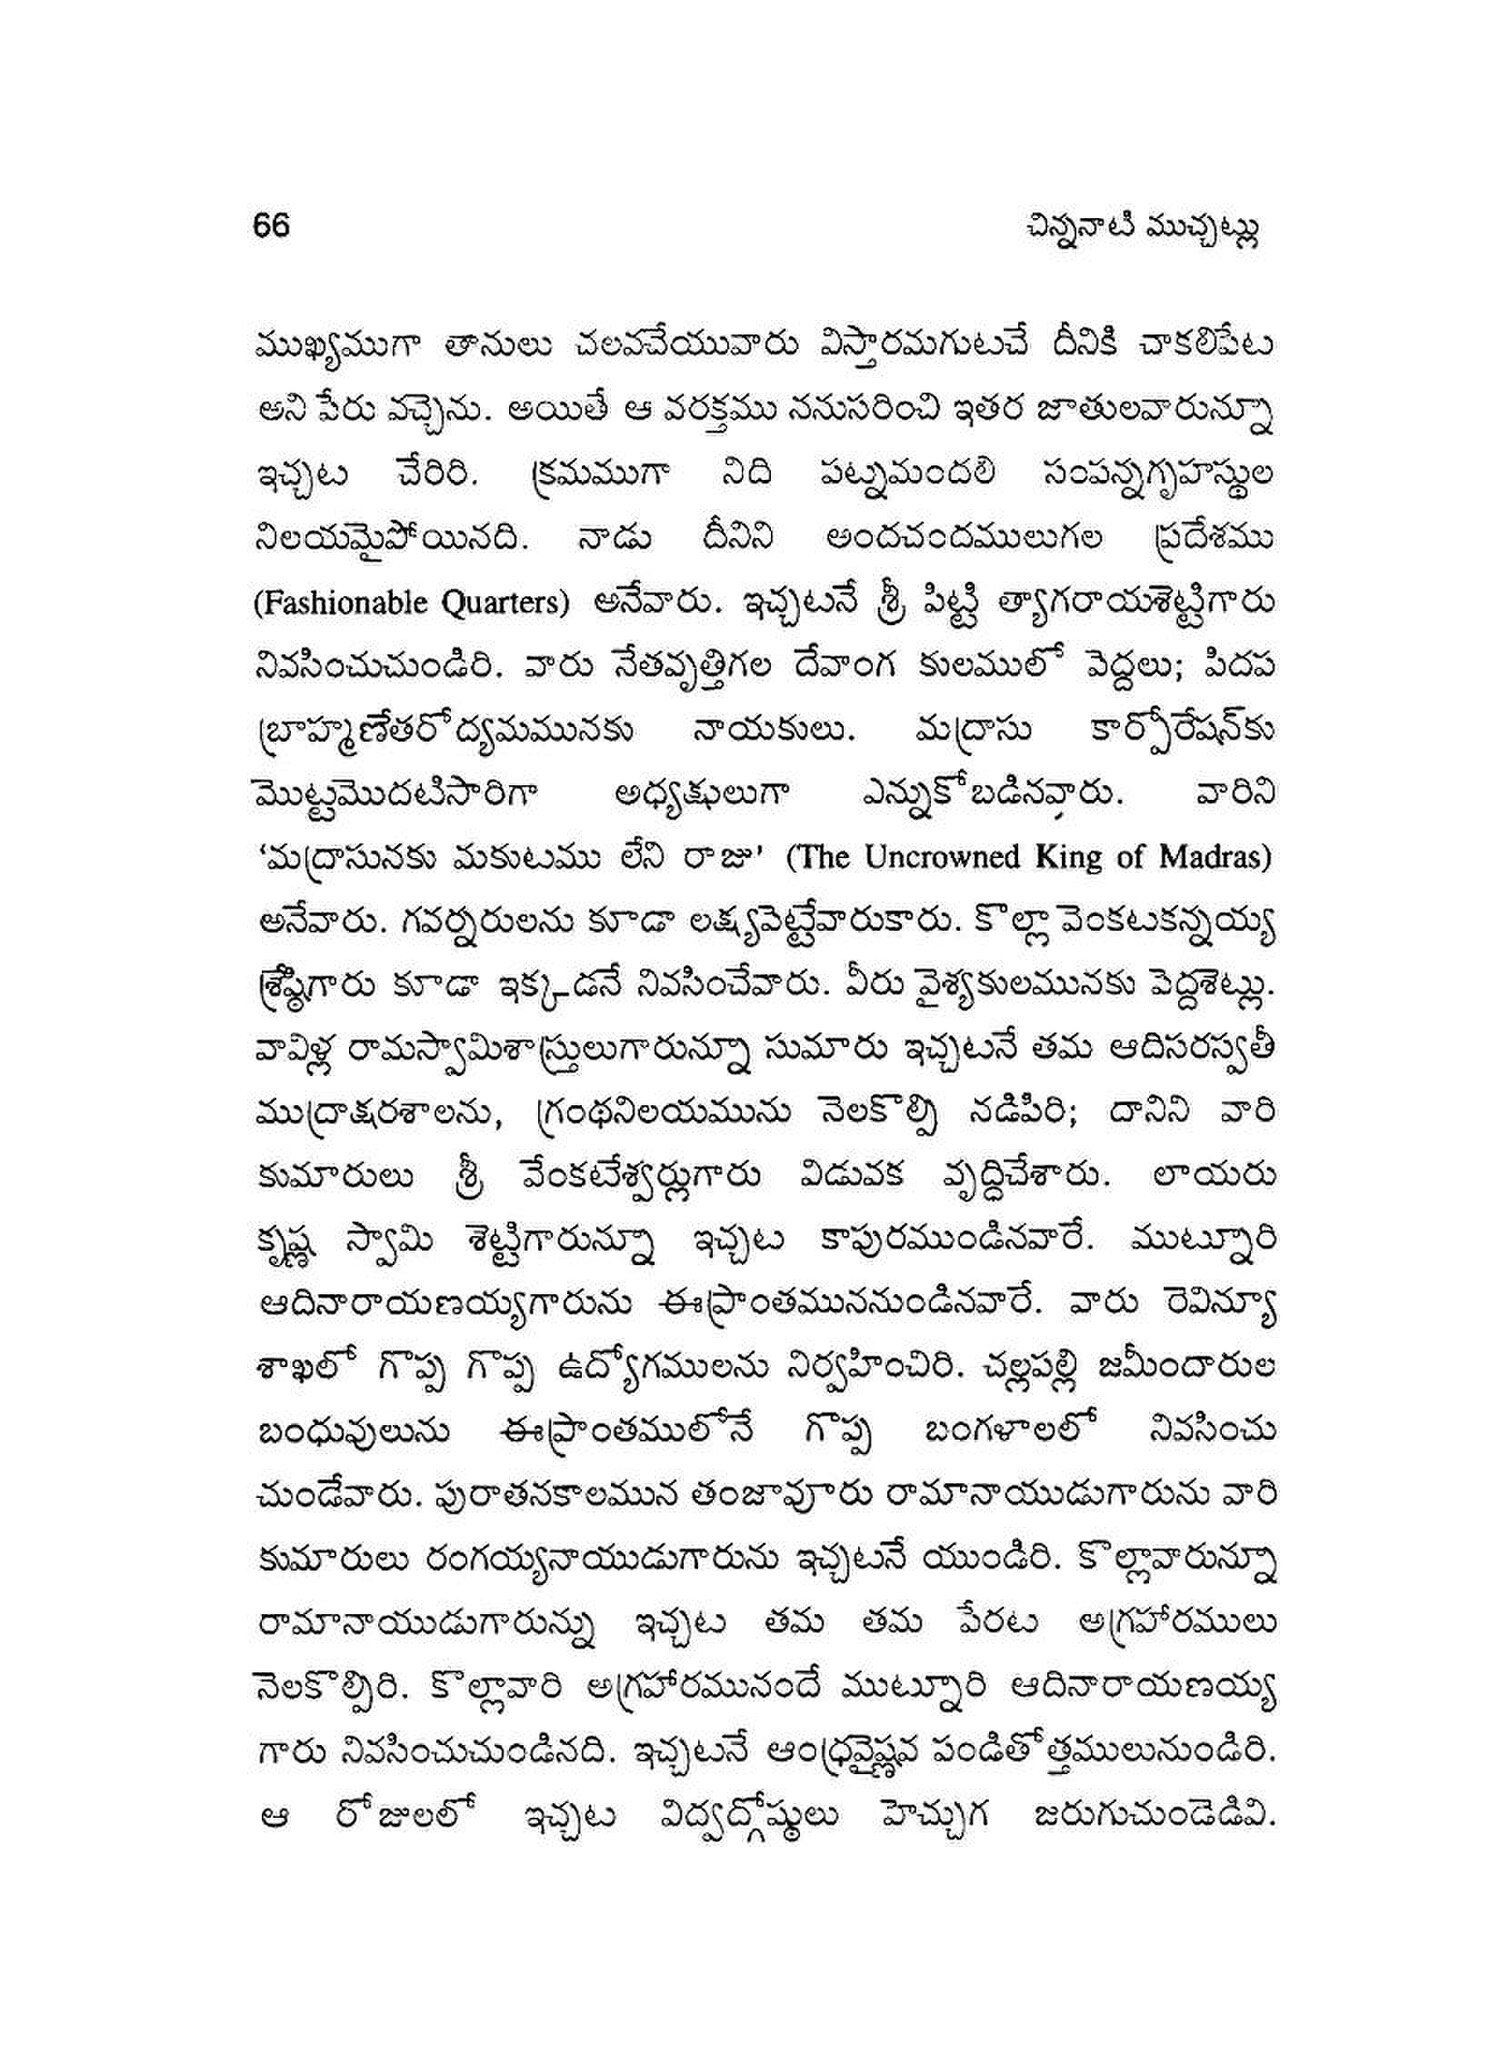ముఖ్యముగా తానులు చలవచేయువారు విస్తారమగుటచే దీనికి చాకలిపేట అని పేరు వచ్చెను. అయితే ఆ వరక్తము ననుసరించి ఇతర జాతులవారున్నూ ఇచ్చట చేరిరి. క్రమముగా నిది పట్నమందలి సంపన్నగృహస్థుల నిలయమైపోయినది. నాడు దీనిని అందచందములుగల ప్రదేశము (Fashionable Quarters) అనే వారు. ఇచ్చటనే శ్రీపిట్టి త్యాగరాయశెట్టిగారు నివసించుచుండిరి. వారు నేతవృత్తిగల దేవాంగ కులములో పెద్దలు; పిదప బ్రాహ్మణేతరోద్యమమునకు నాయకులు. మద్రాసు కార్పోరేషన్ కు మొట్టమొదటిసారిగా అధ్యక్షులుగా ఎన్నుకోబడినవారు. వారిని 'మద్రాసునకు మకుటము లేని రాజు' (The Uncrowned King of Madras) అనేవారు. గవర్నరులను కూడా లక్ష్యపెట్టేవారుకారు. కొల్లా వెంకటకన్నయ్య శ్రేష్ఠిగారు కూడా ఇక్కడనే నివసించేవారు. వీరు వైశ్యకులమునకు పెద్ద శెట్లు. వావిళ్ల రామస్వామిశాస్త్రులుగారున్నూ సుమారు ఇచ్చటనే తమ ఆదిసరస్వతీ ముద్రాక్షరశాలను, గ్రంథనిలయమును నెలకొల్పి నడిపిరి; దానిని వారి కుమారులు శ్రీ వేంకటేశ్వర్లుగారు విడువక వృద్ధిచేశారు. లాయరు కృష్ణ స్వామి శెట్టిగారున్నూ ఇచ్చట కాపురముండినవారే. ముట్నూరి ఆదినారాయణయ్యగారును ఈప్రాంతముననుండినవారే. వారు రెవిన్యూ శాఖలో గొప్ప గొప్ప ఉద్యోగములను నిర్వహించిరి. చల్లపల్లి జమీందారుల బంధువులును ఈప్రాంతములోనే గొప్ప బంగళాలలో నివసించు చుండేవారు. పురాతనకాలమున తంజావూరు రామానాయుడుగారును వారి కుమారులు రంగయ్యనాయుడుగారును ఇచ్చటనే యుండిరి. కొల్లావారున్నూ రామానాయుడుగారున్ను ఇచ్చట తమ తమ పేరట అగ్రహారములు నెలకొల్పిరి. కొల్లావారి అగ్రహారమునందే ముట్నూరి ఆదినారాయణయ్య గారు నివసించుచుండినది. ఇచ్చటనే ఆంధ్రవైష్ణవ పండితోత్తములునుండిరి. ఆ రోజులలో ఇచ్చట విద్వద్గోష్టులు హెచ్పుగ జరుగుచుండెడివి.